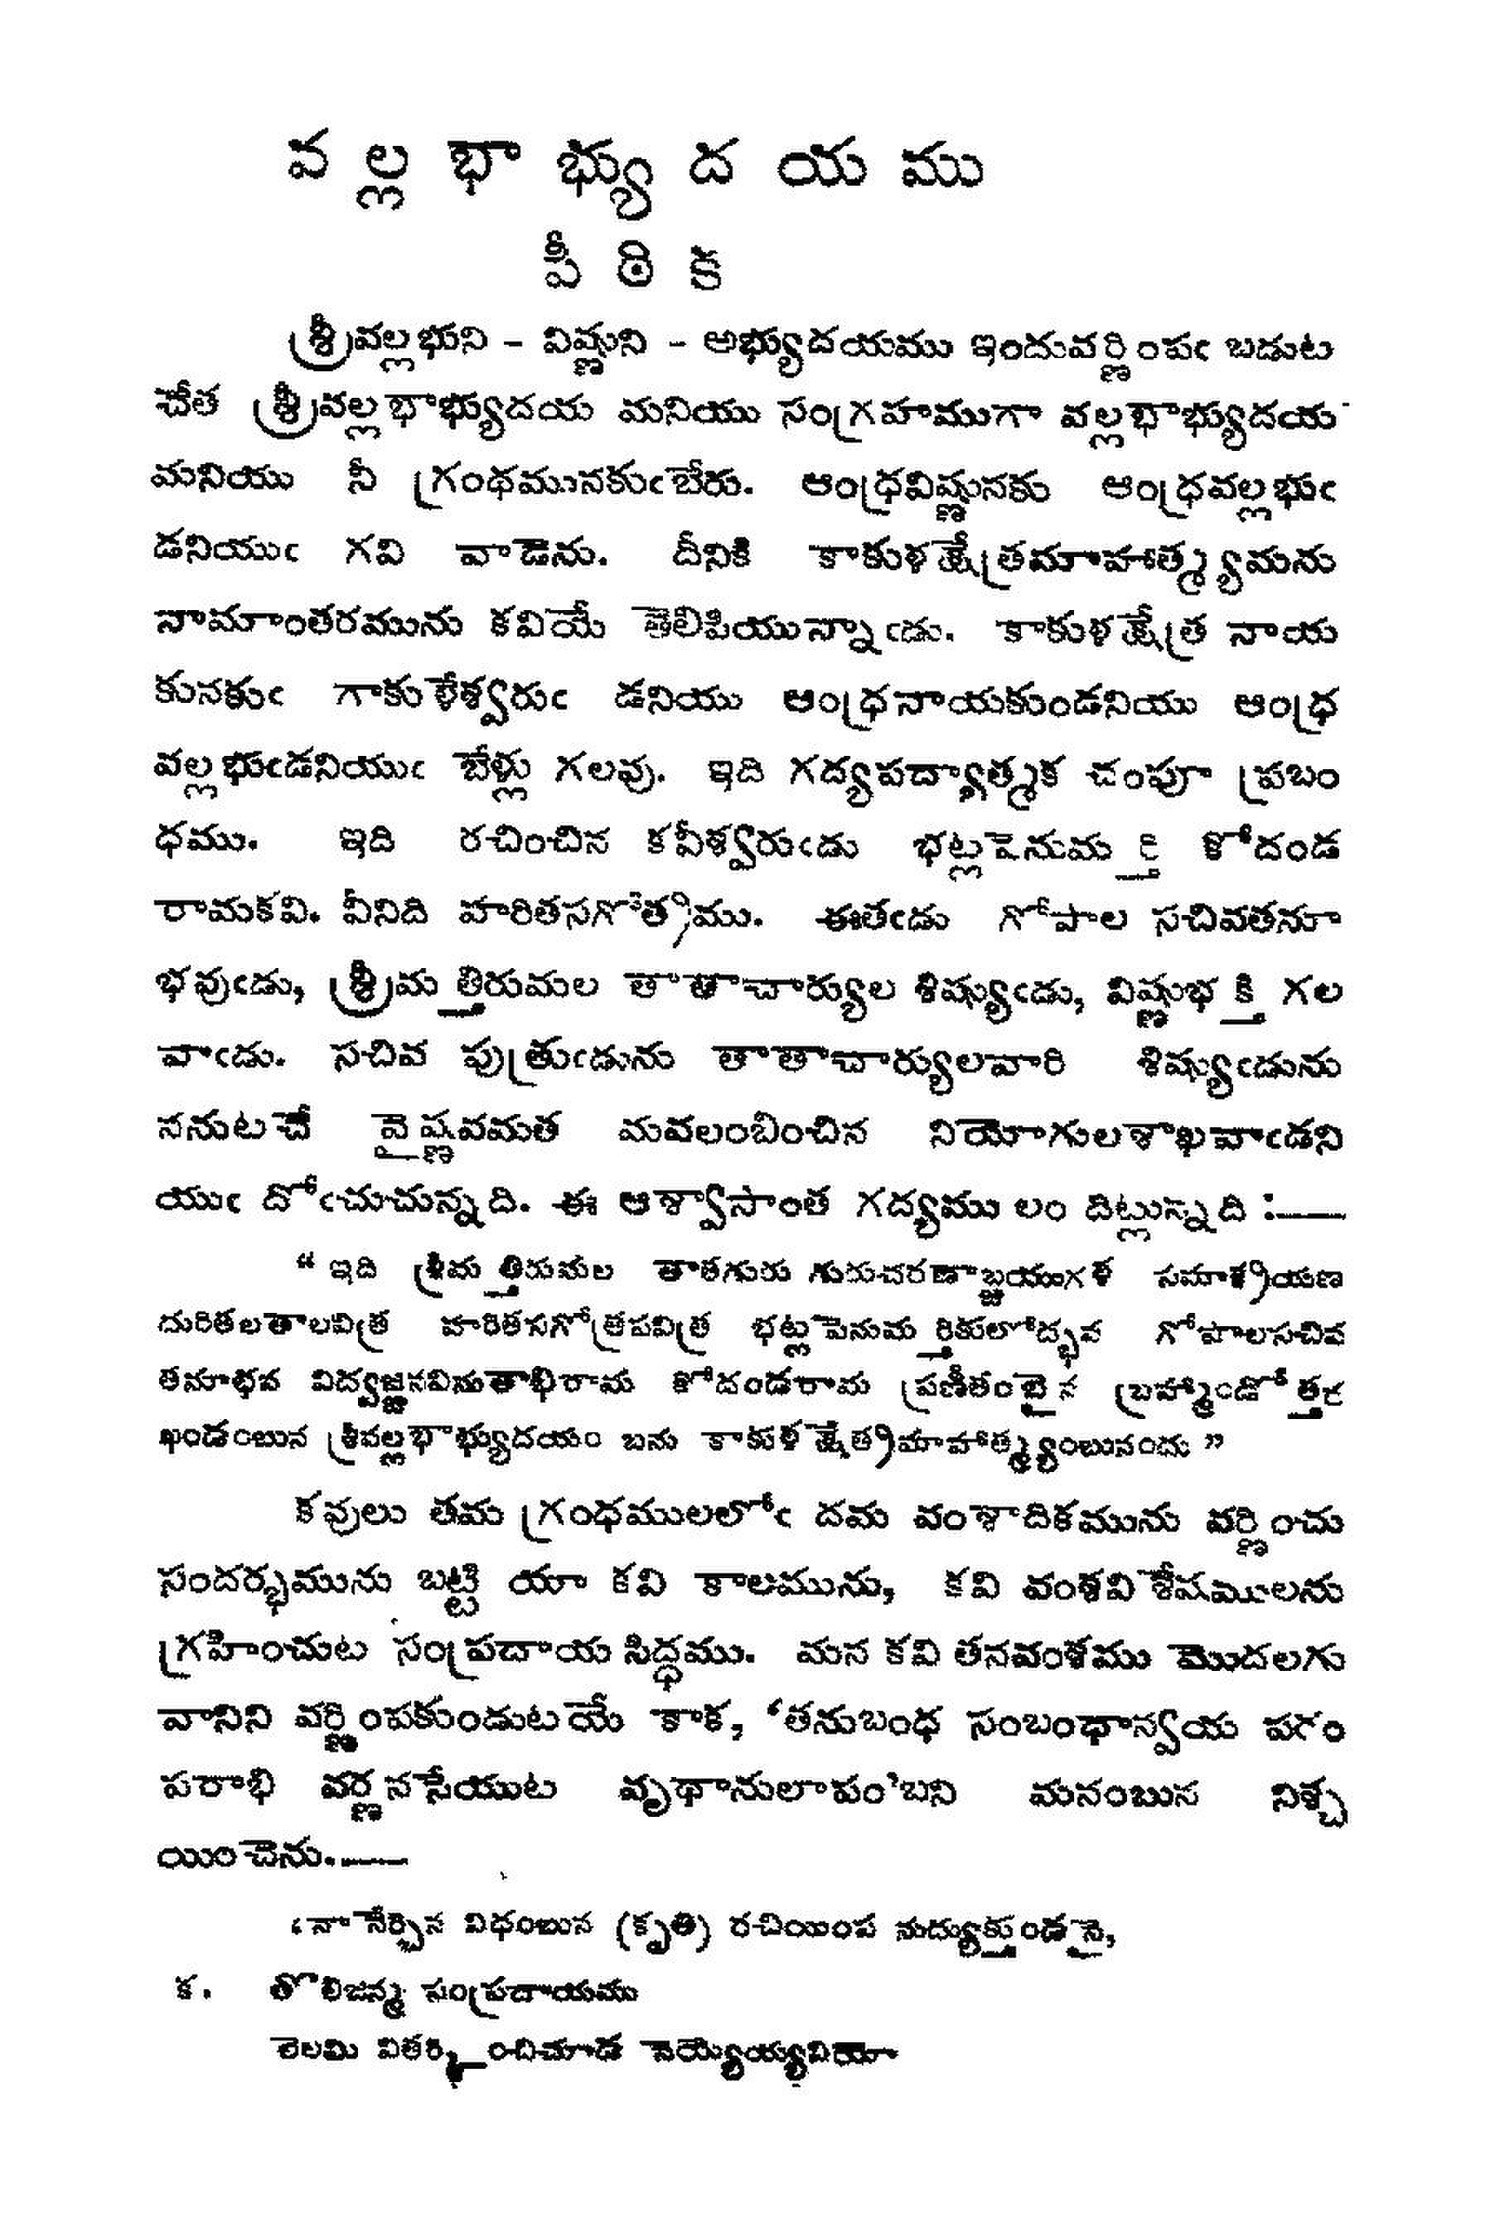శ్రీవల్లభుని - విష్ణుని - అభ్యుదయము ఇందువర్ణింపఁ బడుట చేత శ్రీవల్ల భాభ్యుదయ మనియు సంగ్రహముగా వల్లభాభ్యుదయ మనియు నీ గ్రంథమునకుఁ బేరు. ఆంధ్రవిష్ణునకు ఆంధ్రవల్లభుఁ డనియుఁ గవి వాడెను. దీనికి కాకుళ క్షేత్రమాహాత్మ్యమను నామాంతరమును కవియే తెలిపియున్నాఁడు. కాకుళ క్షేత్ర నాయకునకుఁ గాకుళేశ్వరుఁ డనియు ఆంధ్రనాయకుండనియు ఆంధ్రవల్ల భుఁడనియుఁ బేళ్లు గలవు. ఇది గద్యపద్యాత్మక చంపూ ప్రబంధము. ఇది రచించిన కవీశ్వరుఁడు భట్లపెనుమర్తి కోదండ రామకవి. వీనిది హరితసగోత్రము. ఈతఁడు గోపాల సచివతనూభవుఁడు, శ్రీమత్తిరుమల తాతాచార్యుల శిష్యుఁడు, విష్ణుభక్తి గలవాఁడు. సచివ పుత్రుఁడును తాతాచార్యులవారి శిష్యుఁడును ననుటచే వైష్ణవమత మవలంబించిన నియోగులశాఖ వాఁడనియుఁ దోఁచుచున్నది. ఈ ఆశ్వాసాంత గద్యము లం దిట్లున్నది :-

" ఇది శ్రీమత్తిరుమల తాతగురు గురుచరణబ్జయుగళ సమాశ్రయణ దురితలతాలవిత్ర హరితసగోత్రపవిత్ర భట్లపెనుమర్తి కులోద్భవ గోపాల సచివ తనూభవ విద్వజ్జనవినుతాభిరామ కోదండరామ ప్రణీతంబైన బ్రహ్మాండోత్తర ఖండంబున శ్రీవల్లభాభ్యుదయం బను కాకుళ క్షేత్ర మాహాత్మ్యంబునందు "

కవులు తమ గ్రంధములలోఁ దమ వంశాదికమును వర్ణించు సందర్భమును బట్టి యా కవి కాలమును, కవి వంశీ విశేషములను గ్రహించుట సంప్రదాయ సిద్ధము. మన కవి తన వంశము మొదలగు వానిని వర్ణింపకుండుటయే కాక, 'తనుబంధ సంబంధాస్వయ పరంపరాభి వర్ణనసేయుట వృథానులాపం'బని మనంబున నిశ్చయిం చెను.——

 నా నేర్చిన విధంబున (కృతి) రచియింప నుద్యుక్తుండనై,

తొలిజన్మ సంప్రదాయము
లెలమి వితర్కించిచూడ నెయ్యయ్య నియో